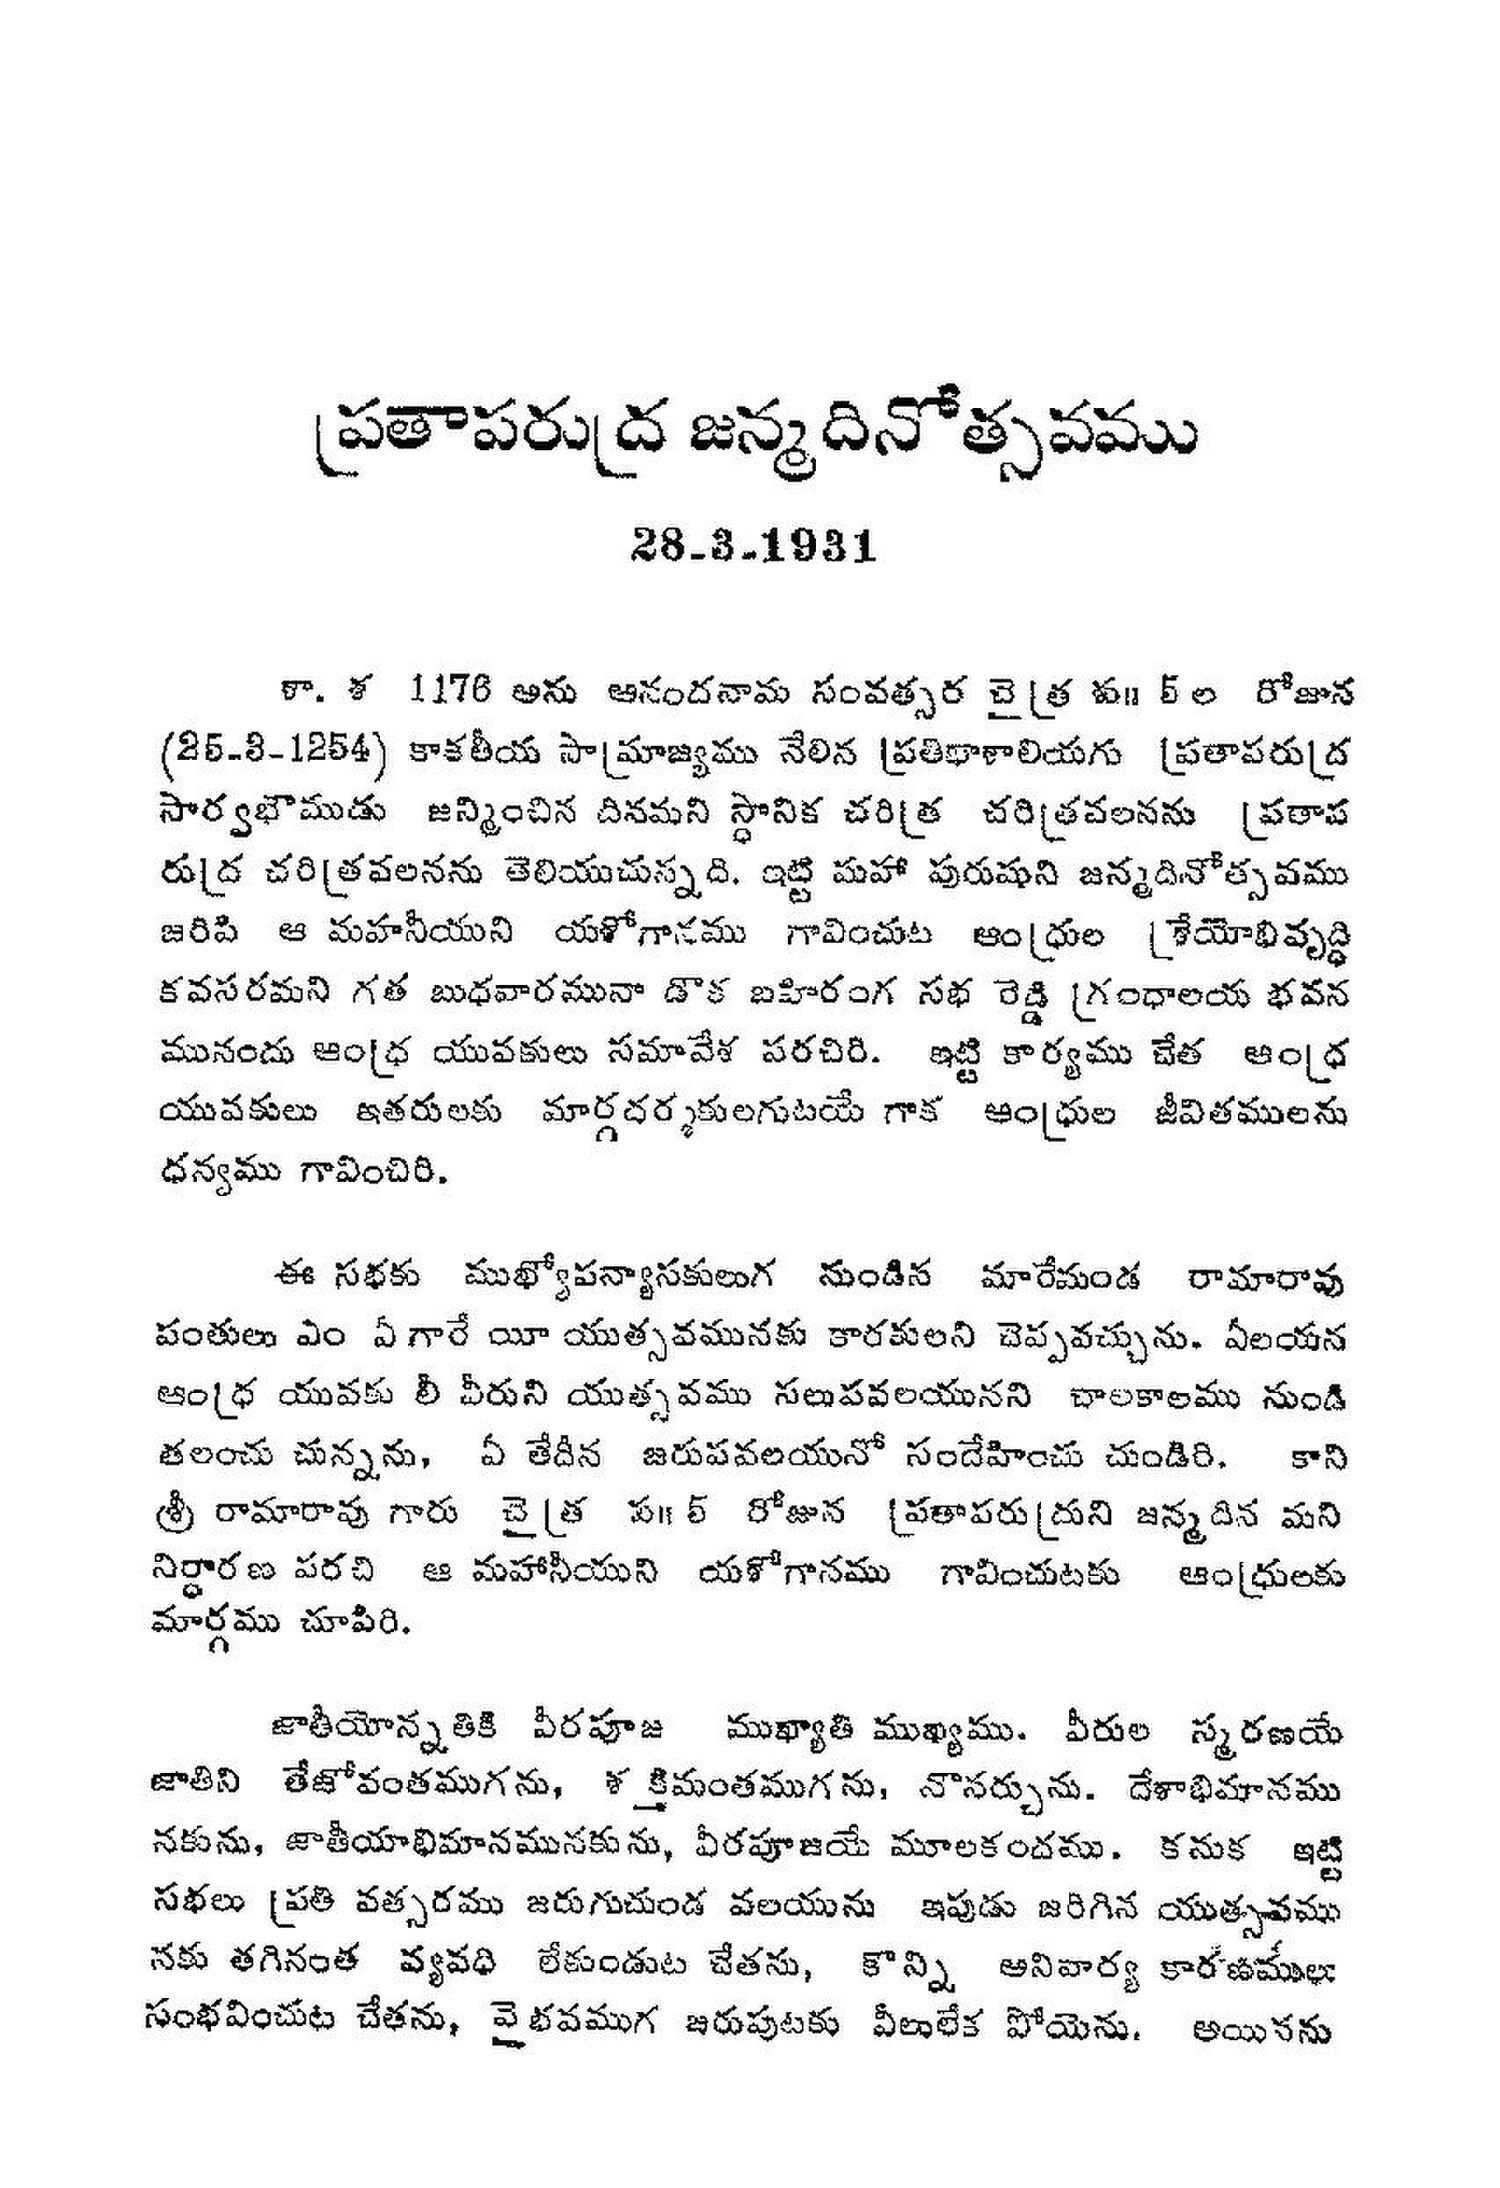ప్రతాపరుద్ర జన్మదినోత్సవము

28 - 3 - 1931

శా. శ 1176 అను ఆనందనామ సంవత్సర చైత్ర శు॥ 5 ల రోజున (25-3-1254) కాకతీయ సామ్రాజ్యము నేలిన ప్రతిభాశాలియగు ప్రతాపరుద్ర సార్వభౌముడు జన్మించిన దినమని స్థానిక చరిత్ర చరిత్రవలనను ప్రతాపరుద్ర చరిత్రవలనను తెలియుచున్నది. ఇట్టి మహా పురుషుని జన్మదినోత్సవము జరిపి ఆ మహనీయుని యశోగానము గావించుట ఆంధ్రుల శ్రేయోభివృద్ధి కవసరమని గత బుధవారమునా డొక బహిరంగ సభ రెడ్డి గ్రంధాలయ భవనమునందు ఆంధ్ర యువకులు సమావేశ పరచిరి. ఇట్టి కార్యము చేత ఆంధ్ర యువకులు ఇతరులకు మార్గదర్శకులగుటయే గాక ఆంధ్రుల జీవితములను ధన్యము గావించిరి.

ఈ సభకు ముఖ్యోపన్యాసకులుగ నుండిన మారేమండ రామారావు పంతులు ఎం ఏ గారే యీ యుత్సవమునకు కారకులని చెప్పవచ్చును. ఏలయన ఆంధ్ర యువకు లీ వీరుని యుత్సవము సలుపవలయునని చాలకాలము నుండి
తలంచు చున్నను, ఏ తేదీన జరుపవలయునో సందేహించు చుండిరి. కాని శ్రీ రామారావు గారు చైత్ర శు॥ 5 రోజున ప్రతాపరుద్రుని జన్మదిన మని నిర్దారణ పరచి ఆ మహానీయుని యశోగానము గావించుటకు ఆంధ్రులకు మార్గము చూపిరి.

జాతీయోన్నతికి వీరపూజ ముఖ్యాతి ముఖ్యము. వీరుల స్మరణయే జాతిని తేజోవంతముగను, శక్తిమంతముగను, నొనర్చును. దేశాభిమానమునకును, జాతీయాభిమానమునకును, వీరపూజయే మూలకందము. కనుక ఇట్టి సభలు ప్రతి వత్సరము జరుగుచుండ వలయును ఇపుడు జరిగిన యుత్సవమునకు తగినంత వ్యవధి లేకుండుట చేతను, కొన్ని అనివార్య కారణములు సంభవించుట చేతను, వైభవముగ జరుపుటకు వీలులేక పోయెను. అయినను